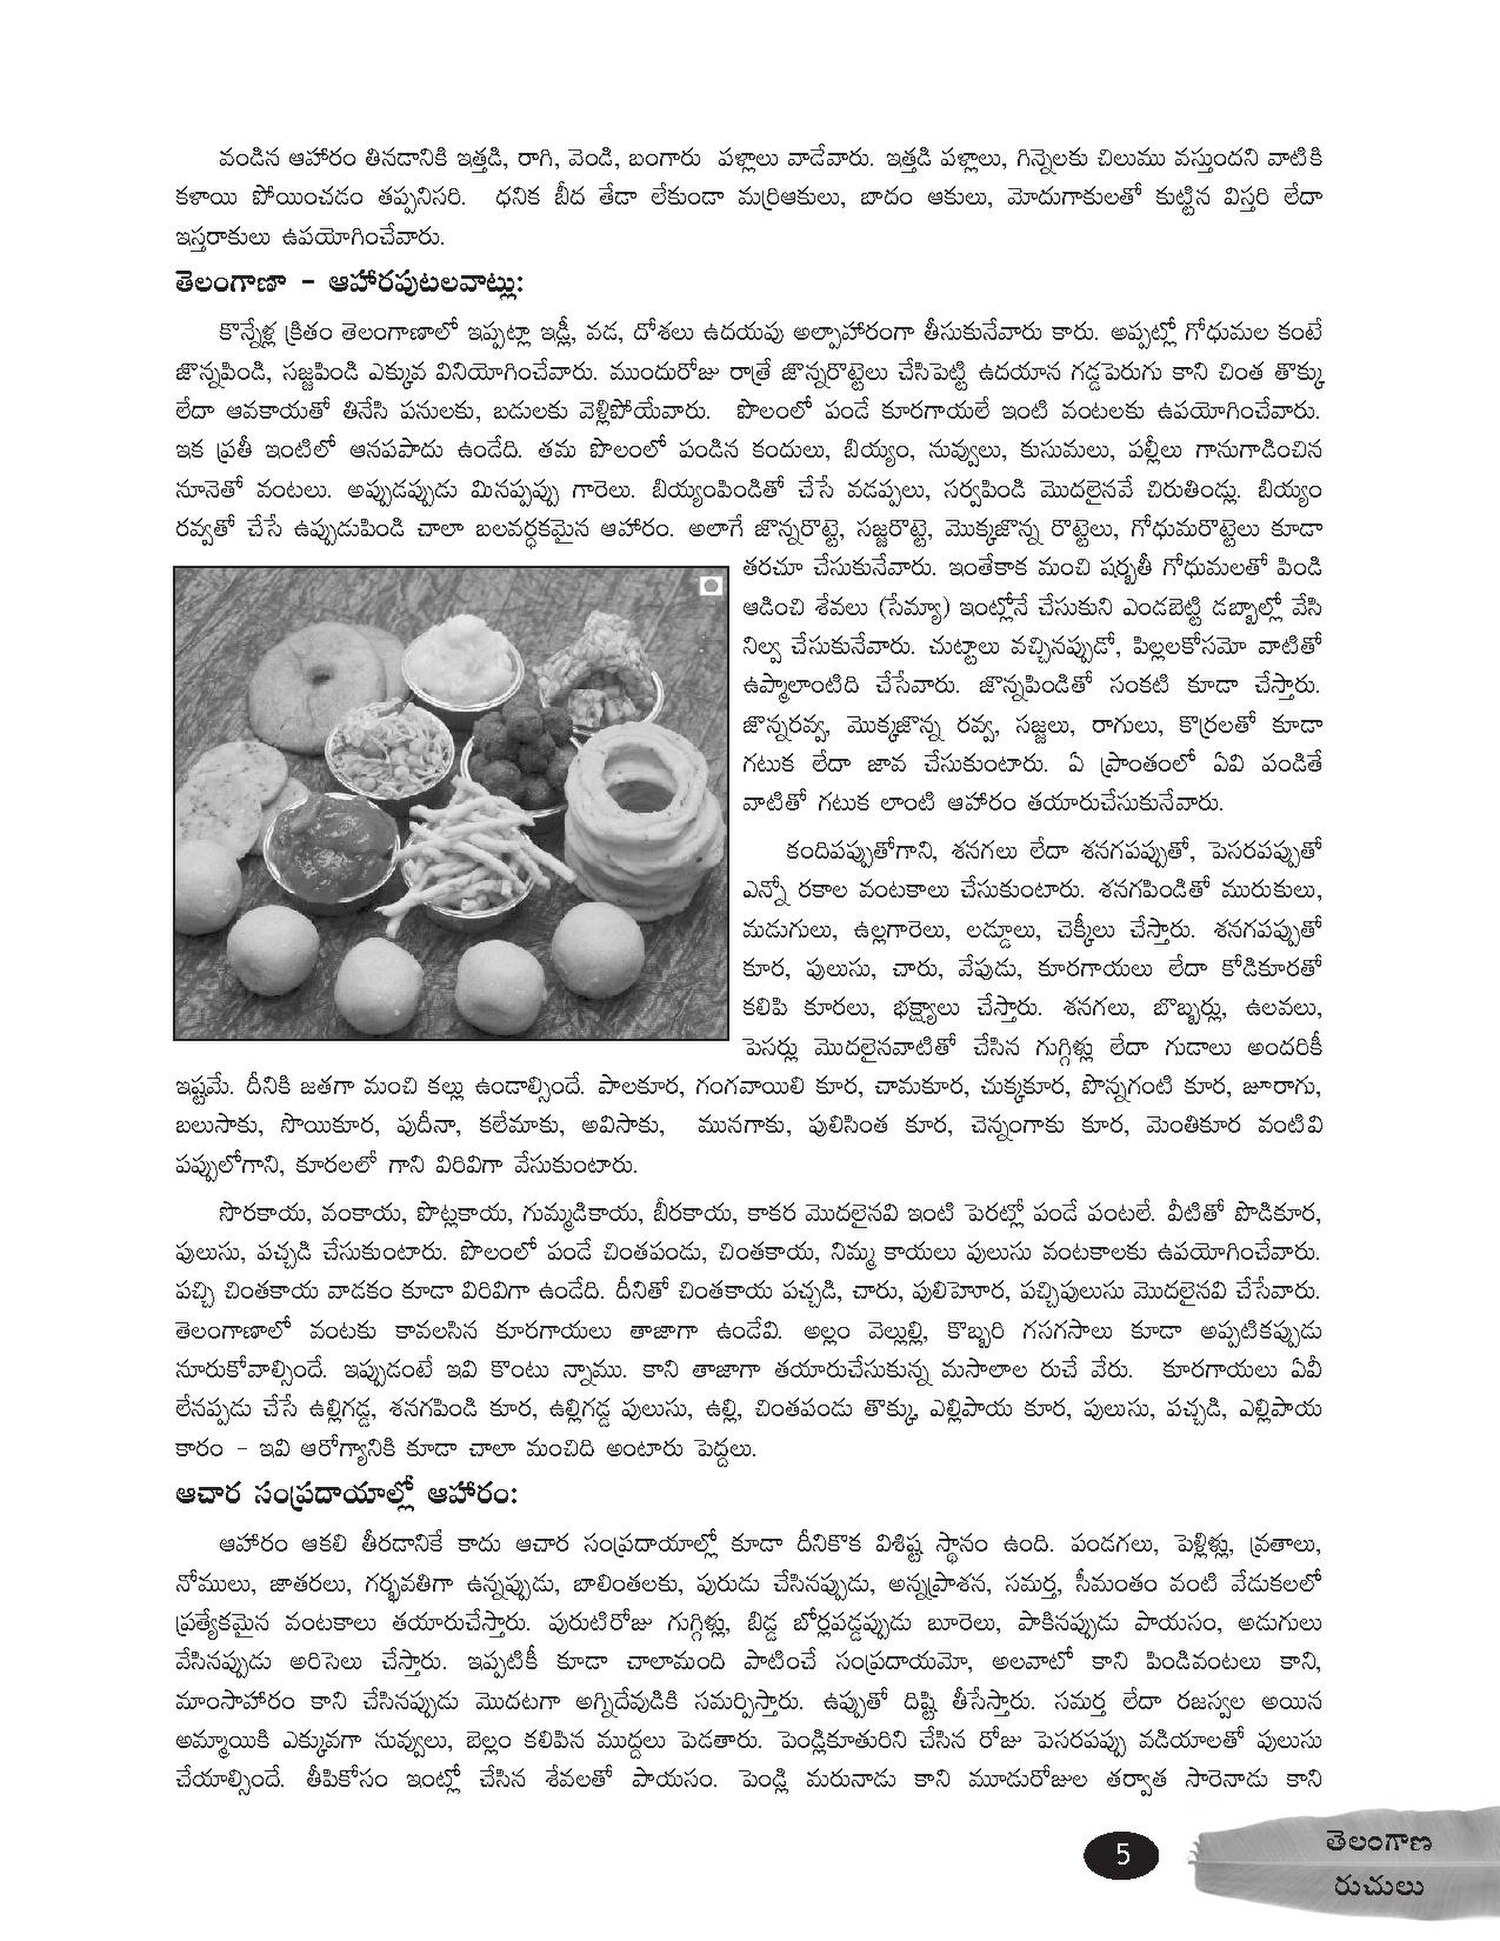వండిన ఆహారం తినడానికి ఇత్తడి, రాగి, వెండి, బంగారు పళ్లాలు వాడేవారు. ఇత్తడి పళ్లాలు, గిన్నెలకు చిలుము వస్తుందని వాటికి కళాయి పోయించడం తప్పనిసరి. ధనిక బీద తేడా లేకుండా మర్రిఆకులు, బాదం ఆకులు, మోదుగాకులతో కుట్టిన విస్తరి లేదా ఇస్తరాకులు ఉపయోగించేవారు.

తెలంగాణా ఆహారపుటలవాట్లు:

కొన్నేళ్ల క్రితం తెలంగాణాలో ఇప్పట్లా ఇడ్లీ, వడ, దోశలు ఉదయపు అల్పాహారంగా తీసుకునేవారు కారు. అప్పట్లో గోధుమల కంటే జొన్నపిండి, సజ్జపిండి ఎక్కువ వినియోగించేవారు. ముందురోజు రాత్రే జొన్నరొట్టెలు చేసి పెట్టి ఉదయాన గడ్డపెరుగు కాని చింత తొక్కు లేదా ఆవకాయతో తినేసి పనులకు, బడులకు వెళ్లిపోయేవారు. పొలంలో పండే కూరగాయలే ఇంటి వంటలకు ఉపయోగించేవారు. ఇక ప్రతీ ఇంటిలో ఆనపపాదు ఉండేది. తమ పొలంలో పండిన కందులు, బియ్యం, నువ్వులు, కుసుమలు, పల్లీలు గానుగాడించిన నూనెతో వంటలు. అప్పుడప్పుడు మినప్పప్పు గారెలు. బియ్యంపిండితో చేసే వడప్పలు, సర్వపిండి మొదలైనవే చిరుతిండ్లు. బియ్యం రవ్వతో చేసే ఉప్పుడుపిండి చాలా బలవర్ధకమైన ఆహారం. అలాగే జొన్నరొట్టె, సజ్జరొట్టె, మొక్కజొన్న రొట్టెలు, గోధుమరొట్టెలు కూడా తరచూ చేసుకునేవారు. ఇంతేకాక మంచి షర్బతీ గోధుమలతో పిండి ఆడించి శేవలు (సేమ్యా) ఇంట్లోనే చేసుకుని ఎండబెట్టి డబ్బాల్లో వేసి నిల్వ చేసుకునేవారు. చుట్టాలు వచ్చినప్పుడో, పిల్లలకోసమో వాటితో ఉప్మాలాంటిది చేసేవారు. జొన్న పిండి తో సంకటి కూడా చేస్తారు. జొన్నరవ్వ, మొక్కజొన్న రవ్వ, సజ్జలు, రాగులు, కొర్రలతో కూడా గటుక లేదా జావ చేసుకుంటారు. ఏ ప్రాంతంలో ఏవి పండితే వాటితో గటుక లాంటి ఆహారం తయారుచేసుకునేవారు. కందిపప్పుతోగాని, శనగలు లేదా శనగపప్పుతో, పెసరపప్పుతో ఎన్నో రకాల వంటకాలు చేసుకుంటారు. శనగపిండితో మురుకులు, మడుగులు, ఉల్లగారెలు, లడ్డూలు, చెక్కీలు చేస్తారు. శనగపప్పుతో కూర, పులుసు, చారు, వేపుడు, కూరగాయలు లేదా కోడికూరతో కలిపి కూరలు, భక్ష్యాలు చేస్తారు. శనగలు, బొబ్బర్లు, ఉలవలు, పెసర్లు మొదలైనవాటితో చేసిన గుగ్గిళ్లు లేదా గుడాలు అందరికీ ఇష్టమే. దీనికి జతగా మంచి కల్లు ఉండాల్సిందే. పాలకూర, గంగవాయిలి కూర, చామకూర, చుక్కకూర, పొన్నగంటి కూర, జూరాగు, బలుసాకు, సొయికూర, పుదీనా, కలేమాకు, అవిసాకు, మునగాకు, పులిసింత కూర, చెన్నంగాకు కూర, మెంతికూర వంటివి. పప్పులోగాని, కూరలలో గాని విరివిగా వేసుకుంటారు.

సొరకాయ, వంకాయ, పొట్లకాయ, గుమ్మడికాయ, బీరకాయ, కాకర మొదలైనవి ఇంటి పెరట్లో పండే పంటలే. వీటితో పొడికూర, పులుసు, పచ్చడి చేసుకుంటారు. పొలంలో పండే చింతపండు, చింతకాయ, నిమ్మ కాయలు పులుసు వంటకాలకు ఉపయోగించేవారు. పచ్చి చింతకాయ వాడకం కూడా విరివిగా ఉండేది. దీనితో చింతకాయ పచ్చడి, చారు, పులిహోర, పచ్చిపులుసు మొదలైనవి చేసేవారు. తెలంగాణాలో వంటకు కావలసిన కూరగాయలు తాజాగా ఉండేవి. అల్లం వెల్లుల్లి, కొబ్బరి గసగసాలు కూడా అప్పటికప్పుడు నూరుకోవాల్సిందే. ఇప్పుడంటే ఇవి కొంటు న్నాము. కాని తాజాగా తయారుచేసుకున్న మసాలాల రుచే వేరు. కూరగాయలు ఏవీ లేనప్పుడు చేసే ఉల్లిగడ్డ, శనగపిండి కూర, ఉల్లిగడ్డ పులుసు, ఉల్లి, చింతపండు తొక్కు, ఎల్లిపాయ కూర, పులుసు, పచ్చడి, ఎల్లిపాయ కారం - ఇవి ఆరోగ్యానికి కూడా చాలా మంచిది అంటారు పెద్దలు.

ఆచార సంప్రదాయాల్లో ఆహారం:

ఆహారం ఆకలి తీరడానికే కాదు ఆచార సంప్రదాయాల్లో కూడా దీనికొక విశిష్ట స్థానం ఉంది. పండగలు, పెళ్లిళ్లు, వ్రతాలు, నోములు, జాతరలు, గర్భవతిగా ఉన్నప్పుడు, బాలింతలకు, పురుడు చేసినప్పుడు, అన్నప్రాశన, సమర్త, సీమంతం వంటి వేడుకలలో ప్రత్యేకమైన వంటకాలు తయారుచేస్తారు. పురుటిరోజు గుగ్గిళ్లు, బిడ్డ బోర్లపడ్డప్పుడు బూరెలు, పాకినప్పుడు పాయసం, అడుగులు వేసినప్పుడు అరిసెలు చేస్తారు. ఇప్పటికీ కూడా చాలామంది పాటించే సంప్రదాయమో, అలవాటో కాని పిండివంటలు కాని, మాంసాహారం కాని చేసినప్పుడు మొదటగా అగ్నిదేవుడికి సమర్పిస్తారు. ఉప్పుతో దిష్టి తీసేస్తారు. సమర్త లేదా రజస్వల అయిన అమ్మాయికి ఎక్కువగా నువ్వులు, బెల్లం కలిపిన ముద్దలు పెడతారు. పెండ్లికూతురిని చేసిన రోజు పెసరపప్పు వడియాలతో పులుసు చేయాల్సిందే. తీపికోసం ఇంట్లో చేసిన శేవలతో పాయసం. పెండ్లి మరునాడు కాని మూడురోజుల తర్వాత సారెనాడు కాని